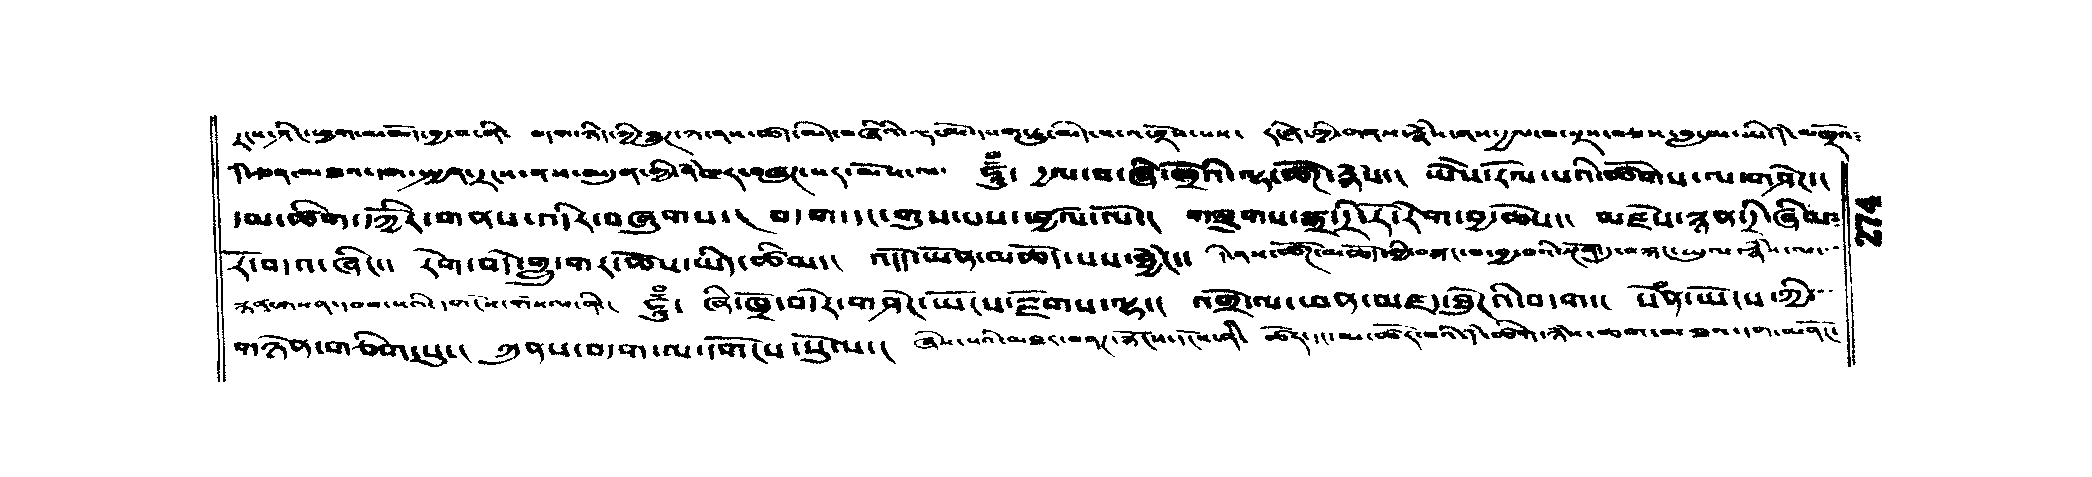ཤིང་ཕྱག་མཆོད་བྱ་བ་ནི། བདག་ཉིད་ཀྱི་ཐུགས་ཀ་ནས་ཚད་མེད་བཞིའི་ལྷ་མོ་དཔག་ཏུ་མེད་པ་འཕྲོས་པས། རང་བཞིན་གྱི་གནས་རྣམས་ནས་རྒྱལ་བ་སྲས་བཅས་བླ་མ་ཡི་དམ་མཁའ་འགྲོ་
དམ་ཅན་མཐའ་དག་སྤྱན་དྲངས་ནས་མདུན་གྱི་ནམ་མཁར་བཞུགས་པར་མོས་ལ། ཧཱུྃ། རྒྱལ་བ་ཞི་ཁྲོའི་ལྷ་ཚོགས་རྣམས། །ཡེ་ཤེས་རོལ་པའི་ཚོགས་ལ་གཤེགས། །
དམ་ཚིག་དཀྱིལ་འཁོར་གནས་འདིར་བཞུགས། །བདག་དང་གུས་པས་ཕྱག་འཚལ་ལོ། །གཟུགས་སྒྲ་དྲི་རོ་རེག་བྱ་ཆོས། །མཛེས་སྙན་དྲི་ཞིམ་
རོ་བདའ་ཞིང་། རེག་བདེ་གླུ་གར་ཆོས་ཡིད་ཚིམ། །འདོད་ཡོན་མཆོད་པས་ཐུགས་དམ་བསྐང་། ། དེ་ནས་ཚོགས་མཆོད་ཀྱི་བསྐང་བ་བྱ་བའི་སྔོན་དུ་བསྐང་ཡུལ་རྣམས་ལ་
སྙན་གསན་དབབ་པའི་དགོངས་གསོལ་ནི། ཞི་ཁྲོ་བདེར་གཤེགས་ཡོངས་རྫོགས་ལྷ། །འགྲོ་ལ་ཕན་མཛད་ཐུགས་རྗེའི་བདག་སེམས་ཅན་ཡོངས་ཀྱི་
གཉེན་གཅིག་པུ། །ཀུན་ནས་བདག་ལ་དགོངས་སུ་གསོལ། ། ཞེས་པའི་མཐར་བཤགས་སྐོངས་དངོས་ནི། ཚོར་དང་མ་ཚོར་བའི་དམ་ཚིག་ཉམས་ཆགས་མཐའ་དག་མནོང་